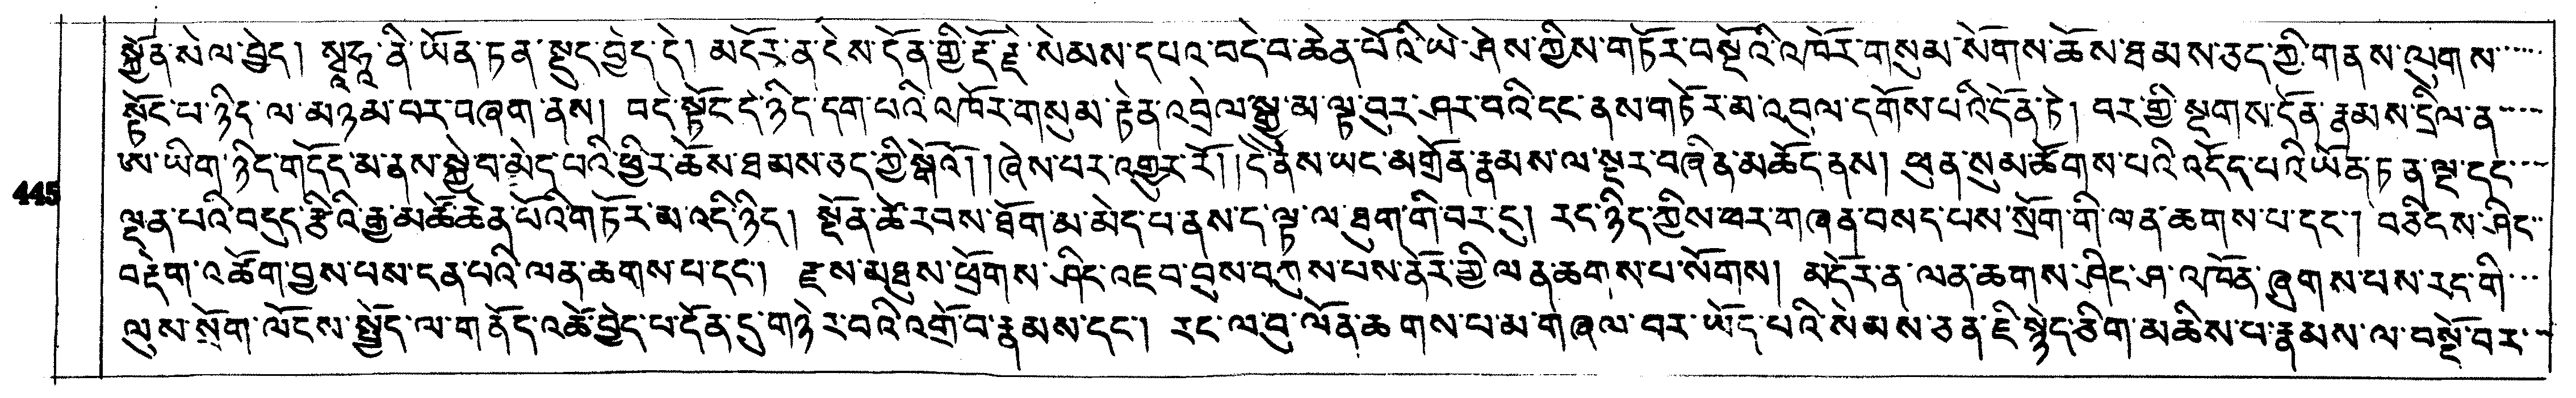སྐྱོན་སེལ་བྱེད། སྭཱཧཱ་ནི་ཡོན་ཏན་སྡུད་བྱེད་དེ། མདོར་ན་ངེས་དོན་གྱི་རྡོ་རྗེ་སེམས་དཔའ་བདེ་བ་ཆེན་པོའི་ཡེ་ཤེས་ཀྱིས་གཏོར་བསྔོའི་འཁོར་གསུམ་སོགས་ཆོས་ཐམས་ཅད་ཀྱི་གནས་ལུགས་
སྟོང་པ་ཉིད་ལ་མཉམ་པར་བཞག་ནས། བདེ་སྟོང་དེ་ཉིད་དག་པའི་འཁོར་གསུམ་རྟེན་འབྲེལ་སྒྱུ་མ་ལྟ་བུར་ཤར་བའི་ངང་ནས་གཏོར་མ་འབུལ་དགོས་པའི་དོན་ཏེ། བར་གྱི་སྔགས་དོན་རྣམས་དྲིལ་ན་
ཨ་ཡིག་ཉིད་གདོང་མ་ནས་སྐྱེ་བ་མེད་པའི་ཕྱིར་ཆོས་ཐམས་ཅད་ཀྱི་སྒོའོ། །ཞེས་པར་འགྱུར་རོ། །དེ་ནས་ཡང་མགྲོན་རྣམས་ལ་སྔར་བཞིན་མཆོད་ནས། ཕུན་སུམ་ཚོགས་པའི་འདོད་པའི་ཡོན་ཏན་ལྔ་དང་
ལྡན་པའི་བདུད་རྩིའི་རྒྱ་མཚོ་ཆེན་པོའི་གཏོར་མ་འདི་ཉིད། སྔོན་ཚེ་རབས་ཐོག་མ་མེད་པ་ནས་ད་ལྟ་ལ་ཐུག་གི་བར་དུ། རང་ཉིད་ཀྱིས་ཕར་གཞན་བསད་པས་སྲོག་གི་ལན་ཆགས་པ་དང་། བཅིངས་ཤིང་
བརྡེག་འཚོག་བྱས་པས་ངན་པའི་ལན་ཆགས་པ་དང་། རྫས་མཐུས་ཕྲོགས་ཤིང་འཇབ་བུས་བཀུས་པས་ནོར་གྱི་ལན་ཆགས་པ་སོགས། མདོར་ན་ལན་ཆགས་ཤིང་ཤ་འཁོན་ཞུགས་པས་རང་གི་
ལུས་སྲོག་ལོངས་སྤྱོད་ལ་གནོད་འཚེ་བྱེད་པ་དོན་དུ་གཉེར་བའི་འགྲོ་བ་རྣམས་དང་། རང་ལ་བུ་ལོན་ཆགས་པ་མ་གཞལ་བར་ཡོད་པའི་སེམས་ཅན་ཇི་སྙེད་ཅིག་མཆིས་པ་རྣམས་ལ་བསྔོ་བར་